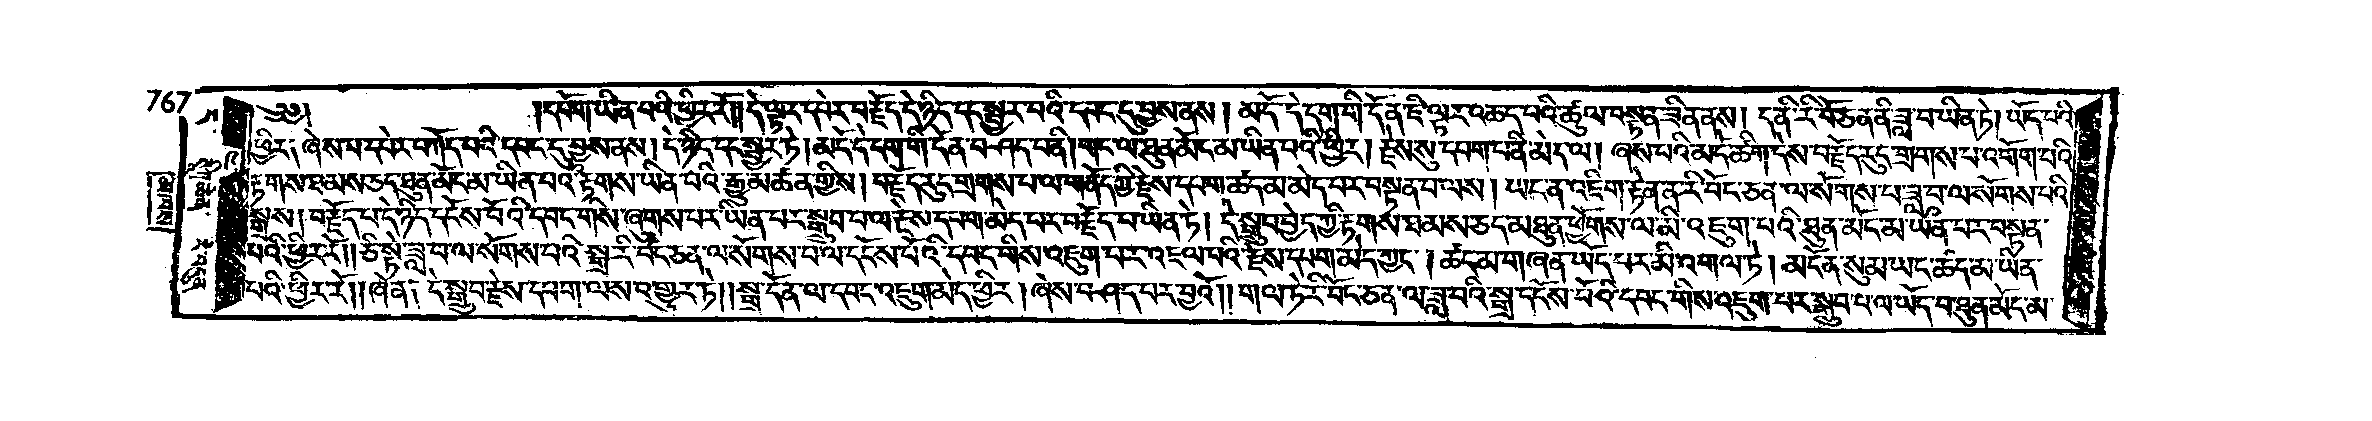༄༅། །དཔོག་ཡིན་པའི་ཕྱིར་རོ། །དེ་ལྟར་དཔེར་བརྗོད་དེ་ཉིད་དང་སྦྱར་བའི་དབང་དུ་བྱས་ནས། མདོ་དེ་དག་གི་དོན་ཇི་ལྟར་འཆད་པའི་ཚུལ་བསྟན་ཟིན་ནས། ད་ནི་རི་བོང་ཅན་ཟླ་བ་ཡིན་ཏེ། ཡོད་པའི་
ཕྱིར། ཞེས་པ་དཔེར་བཀོད་པའི་དབང་དུ་བྱས་ནས། དེ་ཉིད་དང་སྦྱར་ཏེ། མདོ་དེ་དག་གི་དོན་བཤད་པ་ནི། གང་ལ་ཐུན་མོང་མ་ཡིན་པའི་ཕྱིར། རྗེས་སུ་དཔག་པ་ནི་མེད་ལ། ཞེས་པའི་མདོ་ཚིག་དེས་བརྗོད་རུང་གྲགས་པ་འགོག་པའི་
རྟགས་ཐམས་ཅད་ཐུན་མོང་མ་ཡིན་པའི་རྟགས་ཡིན་པའི་རྒྱུ་མཚན་གྱིས། བརྗོད་རུང་གྲགས་པ་ལ་གནོད་ཀྱི་རྗེས་དཔག་ཚད་མ་མེད་པར་བསྟན་པ་ལས། ཡང་ན་འཇིག་རྟེན་ལ་ན་རི་བོང་ཅན་ལ་སོགས་པ་ཟླ་བ་ལ་སོགས་པའི་
སྒྲས། བརྗོད་པ་དེ་ཉིད་དངོས་པོའི་དབང་གིས་ཞུགས་པར་ཡིན་པར་སྒྲུབ་པ་ལ་རྗེས་དཔག་མེད་པར་བརྗོད་པ་ཡིན་ཏེ། དེ་སྒྲུབ་བྱེད་ཀྱི་རྟགས་ཐམས་ཅད་མཐུན་ཕྱོགས་ལ་མི་འཇུག་པའི་ཐུན་མོང་མ་ཡིན་པར་བསྟན་
པའི་ཕྱིར་རོ། ཅི་སྟེ་ཟླ་བ་ལ་སོགས་པའི་སྒྲས་རི་བོང་ཅན་ལ་སོགས་པ་ལ་དངོས་པོའི་དབང་གིས་འཇུག་པར་འཇལ་བའི་རྗེས་དཔག་མེད་ཀྱང་། ཚད་མ་གཞན་ཡོད་པར་མི་འགལ་ཏེ། མངོན་སུམ་ཡང་ཚད་མ་ཡིན་
པའི་ཕྱིར་རོ། །ཞེ་ན། དེ་སྒྲུབ་རྗེས་དཔག་ལས་འགྱུར་ཏེ། སྒྲ་དོན་ལ་དབང་འཇུག་མེད་ཕྱིར། ཞེས་བཤད་པར་བྱའོ། །གལ་ཏེ་རི་བོང་ཅན་ལ་ཟླ་བའི་སྒྲ་དངོས་པོའི་དབང་གིས་འཇུག་པར་སྒྲུབ་པ་ལ་ཡོད་པ་ཐུན་མོང་མ་